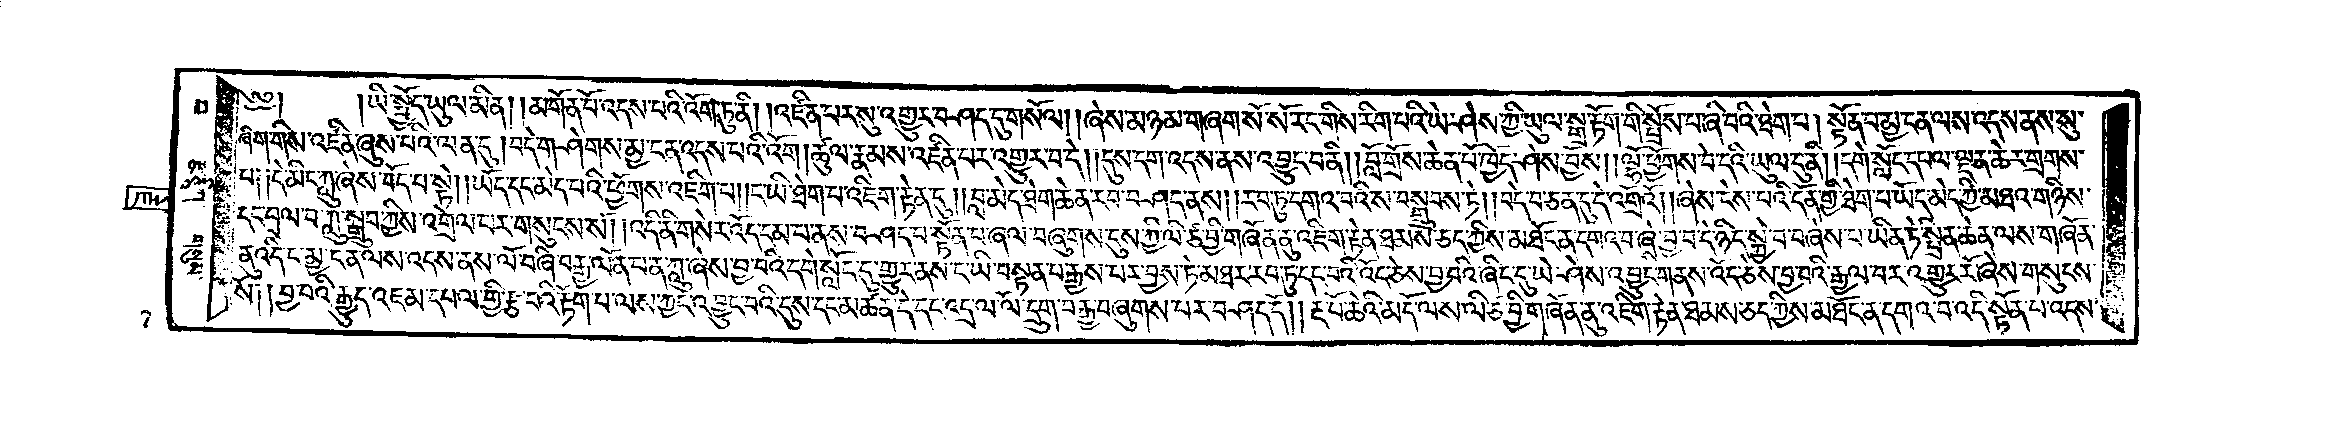༄༅། །ཡི་སྤྱོད་ཡུལ་མིན། །མགོན་པོ་འདས་པའི་འོག་ཏུ་ནི། །འཛིན་པར་སུ་འགྱུར་བཤད་དུ་གསོལ། །ཞེས་མཉམ་གཞག་སོ་སོ་རང་གིས་རིག་པའི་ཡེ་ཤེས་ཀྱི་ཡུལ་སྒྲ་རྟོག་གི་སྤྲོས་པ་ཞི་བའི་ཐེག་པ། སྟོན་པ་མྱ་ངན་ལས་འདས་ནས་སུ་
ཞིག་གིས་འཛིན་ཞུས་པའི་ལན་དུ། །བདེ་གཤེགས་མྱ་ངན་འདས་པའི་འོག། །ཚུལ་རྣམས་འཛིན་པར་འགྱུར་བ་དེ། །དུས་དག་འདས་ནས་འབྱུང་བ་ནི། །བློ་གྲོས་ཆེན་པོ་ཁྱོད་ཤེས་བྱོས། །ལྷོ་ཕྱོགས་བེ་དའི་ཡུལ་དུ་ནི། །དགེ་སློང་དཔལ་ལྡན་ཆེར་གྲགས་
པ། །དེ་མིང་ཀླུ་ཞེས་བོད་པ་སྟེ། །ཡོད་དང་མེད་པའི་ཕྱོགས་འཇིག་པ། །ང་ཡི་ཐེག་པ་འཇིག་རྟེན་དུ། །བླ་མེད་ཐེག་ཆེན་རབ་བཤད་ནས། །རབ་ཏུ་དགའ་བའི་ས་བསྒྲུབས་ཏེ། །བདེ་བ་ཅན་དུ་དེ་འགྲོའོ། །ཞེས་ངེས་པའི་དོན་གྱི་ཐེག་པ་ཡོད་མེད་ཀྱི་མཐའ་གཉིས་
དང་བྲལ་བ་ཀླུ་སྒྲུབ་ཀྱིས་འགྲེལ་པར་གསུངས་སོ། །འདི་ནི་གསེར་འོད་དམ་པ་ནས་བཤད་པ་སྟོན་པ་ཞལ་བཞུགས་དུས་ཀྱི་ལི་ཙ་བྱི་གཞོན་ནུ་འཇིག་རྟེན་ཐམས་ཅད་ཀྱིས་མཐོང་ན་དགའ་བ་ཞེས་བྱ་བ་དེ་ཉིད་སྐྱེ་བ་བཞེས་པ་ཡིན་ཏེ་སྤྲིན་ཆེན་ལས་གཞོན་
ནུ་འདི་མྱ་ངན་ལས་འདས་ནས་ལོ་བཞི་བརྒྱ་ལོན་པ་ན་ཀླུ་ཞེས་བྱ་བའི་དགེ་སློང་དུ་གྱུར་ནས་ང་ཡི་བསྟན་པ་རྒྱས་པར་བྱས་ཏེ་མཐར་རབ་ཏུ་དང་བའི་འོད་ཅེས་བྱ་བའི་ཞིང་དུ་ཡེ་ཤེས་འབྱུང་གནས་འོད་ཅེས་བྱ་བའི་རྒྱལ་བར་འགྱུར་རོ་ཞེས་གསུངས་
སོ། །བྱ་བའི་རྒྱུད་འཇམ་དཔལ་གྱི་རྩ་བའི་རྟོག་པ་ལས་ཀྱང་འབྱུང་བའི་དུས་དང་མཚན་དེ་དང་འདྲ་ལ་ལོ་དྲུག་བརྒྱ་བཞུགས་པར་བཤད་དོ། །རྔ་བོ་ཆེའི་མདོ་ལས་ལི་ཙ་བྱི་གཞོན་ནུ་འཇིག་རྟེན་ཐམས་ཅད་ཀྱིས་མཐོང་ན་དགའ་བ་འདི་སྟོན་པ་འདས་